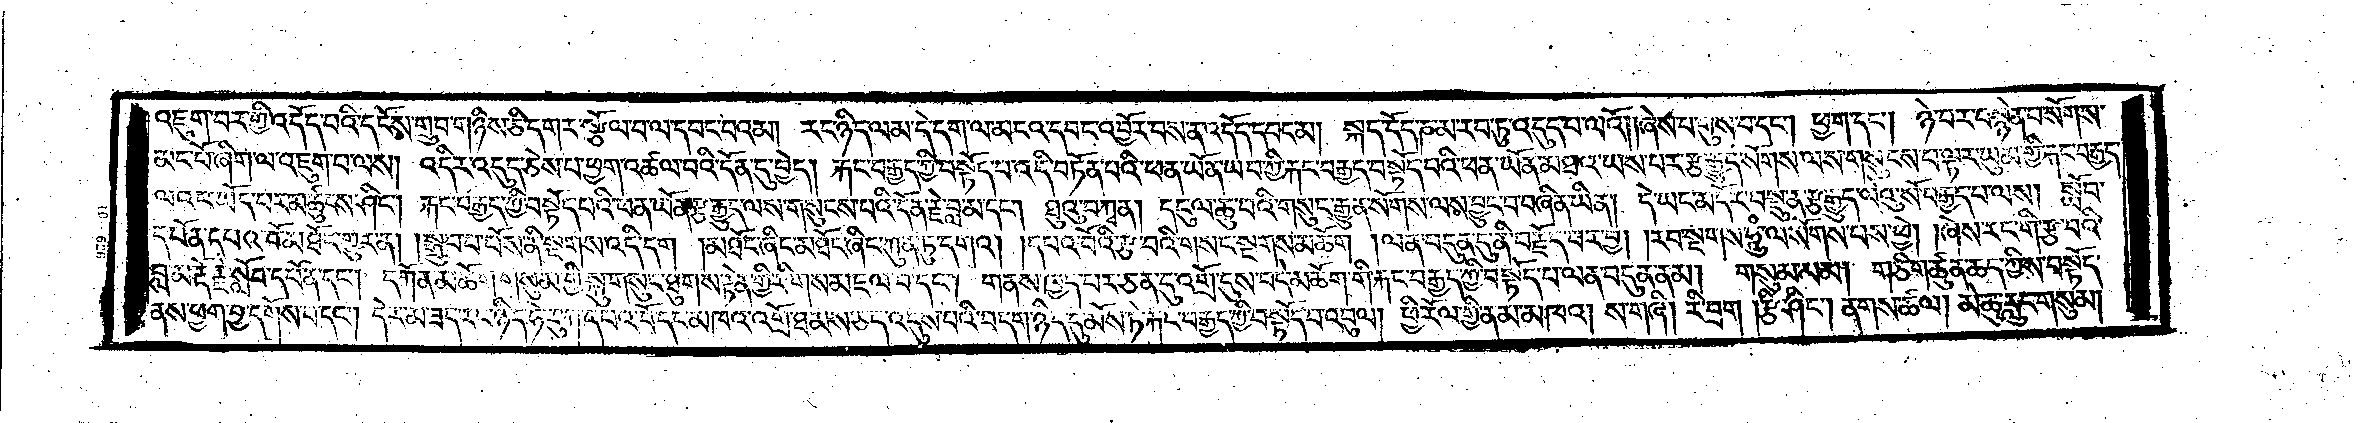འཇུག་བར་གྱི་འདོད་པའི་དངོས་གྲུབ་གཉིས་ཅི་དགར་སྩོལ་བ་ལ་དབང་པད་མ། རང་ཉིད་ལམ་དེ་དག་ལ་མངའ་དབང་འབྱོར་བས་ན་འདོད་དབང་མ། སྐད་དོད་ཎ་མ་རབ་ཏུ་འདུད་པ་ལའོ། །ཞེས་པ་གུས་པ་དང་། ཕྱག་དང་། ཉེ་བར་བསྙེན་པ་སོགས་
མང་པོ་ཞིག་ལ་འཇུག་པ་ལས། འདིར་འདུད་ཅེས་པ་ཕྱག་འཚལ་བའི་དོན་དུ་བྱེད། རྐང་བརྒྱད་ཀྱི་བསྟོད་པ་འདི་བཏོན་པའི་ཕན་ཡོན་ཡབ་ཀྱི་རྐང་བརྒྱད་བསྟོད་པའི་ཕན་ཡོན་མཐའ་ཡས་པར་རྩ་རྒྱུད་སོགས་ལས་གསུངས་པ་ལྟར་ཡུམ་གྱི་རྐང་བརྒྱད་
ལའང་ཡོད་པར་མཚུངས་ཤིང་། རྐང་བརྒྱད་ཀྱི་བསྟོད་པའི་ཕན་ཡོན་རྩ་རྒྱུད་ལས་གསུངས་པའི་དོན་རྗེ་བླ་མ་དང་། ཐུ་འུ་བཀྭན། དངུལ་ཆུ་བའི་གསུང་རྒྱུན་སོགས་ལས་བྱུང་བ་བཞིན་ཡིན། དེ་ཡང་མདོར་བསྡུ་ན་རྩ་རྒྱུད་ལེའུ་སོ་བརྒྱད་པ་ལས། སློབ་
དཔོན་དཔའ་བོ་མཐོང་གྱུར་ན། །སྒྲུབ་པ་པོས་ནི་སྔགས་འདི་དག །མཐོང་ཞིང་མཐོང་ཞིང་ཀུན་ཏུ་དགའ། །དཔའ་བོའི་རྩ་བའི་གསང་སྔགས་མཆོག །ལན་བདུན་དུ་ནི་བརྗོད་པར་བྱ། །རབ་སྔགས་ཧཱུཾ་ལ་སོགས་པས་ཕྱེ། །ཞེས་རང་གི་རྩ་བའི་
བླ་མ་རྡོ་རྗེ་སློབ་དཔོན་དང་། དཀོན་མཆོག་གསུམ་གྱི་སྐུ་གསུང་ཐུགས་རྟེན་གྱི་རིགས་མཇལ་བ་དང་། གནས་ཁྱད་པར་ཅན་དུ་འགྲོ་དུས་བདེ་མཆོག་གི་རྐང་བརྒྱད་ཀྱི་བསྟོད་པ་ལན་བདུན་ནམ། གསུམ་མམ། གཅིག་ཚུན་ཆད་ཀྱིས་བསྟོད་
ནས་ཕྱག་བྱ་དགོས་པ་དང་། དེར་མ་ཟད་རང་ཉིད་ཧེ་རུ་ཀ་དཔའ་བོ་དང་མཁའ་འགྲོ་ཐམས་ཅད་འདུས་པའི་བདག་ཉིད་དུ་མོས་ཏེ་རྐང་བརྒྱད་ཀྱི་བསྟོད་པ་འབུལ། ཕྱི་རོལ་གྱི་ནམ་མཁའ། ས་གཞི། རི་བྲག །རྩི་ཤིང་། ནགས་ཚལ། མེ་ཆུ་རླུང་གསུམ་